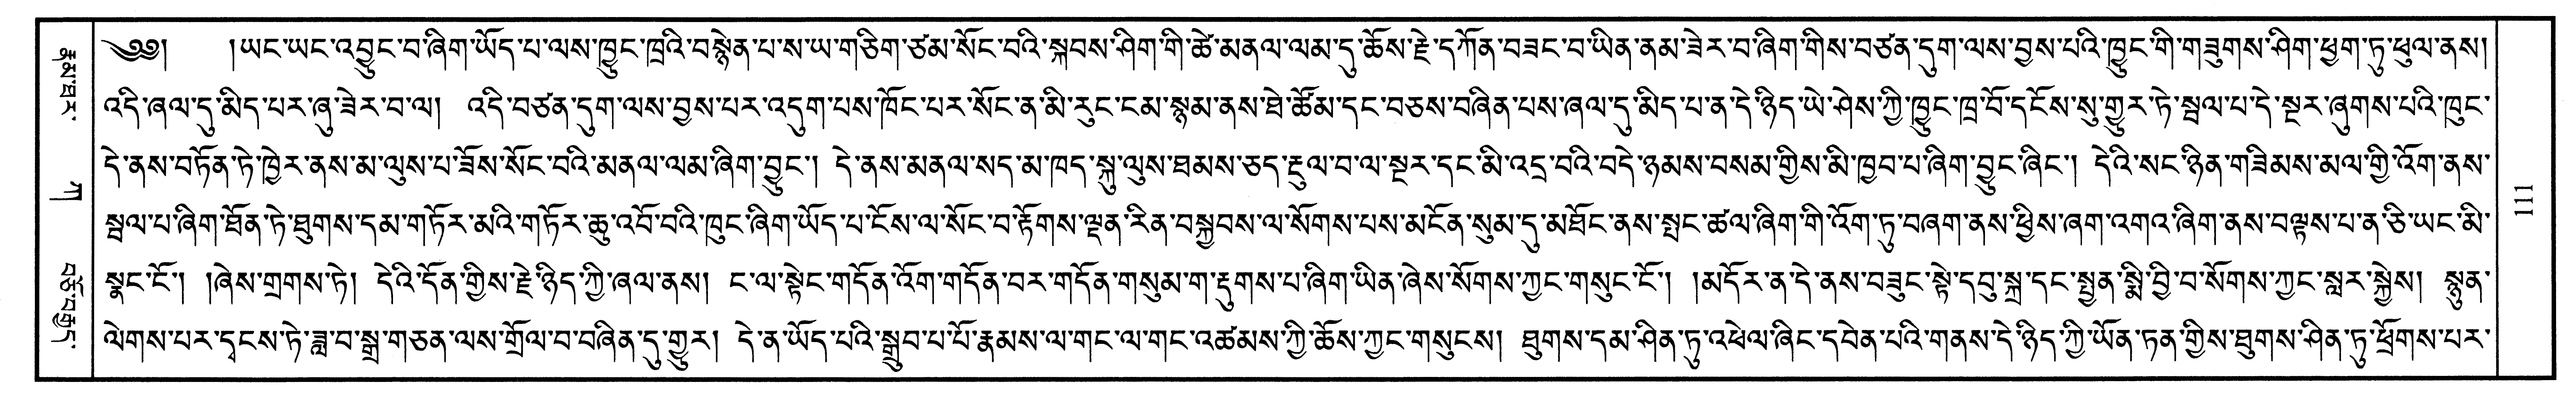༄༅། །ཡང་ཡང་འབྱུང་བ་ཞིག་ཡོད་པ་ལས་ཁྱུང་ཁྲའི་བསྙེན་པ་ས་ཡ་གཅིག་ཙམ་སོང་བའི་སྐབས་ཤིག་གི་ཚེ་མནལ་ལམ་དུ་ཆོས་རྗེ་དཀོན་བཟང་བ་ཡིན་ནམ་ཟེར་བ་ཞིག་གིས་བཙན་དུག་ལས་བྱས་པའི་ཁྱུང་གི་གཟུགས་ཤིག་ཕྱག་ཏུ་ཕུལ་ནས།
འདི་ཞལ་དུ་མིད་པར་ཞུ་ཟེར་བ་ལ། འདི་བཙན་དུག་ལས་བྱས་པར་འདུག་པས་ཁོང་པར་སོང་ན་མི་རུང་ངམ་སྙམ་ནས་ཐེ་ཚོམ་དང་བཅས་བཞིན་པས་ཞལ་དུ་མིད་པ་ན་དེ་ཉིད་ཡེ་ཤེས་ཀྱི་ཁྱུང་ཁྲ་བོ་དངོས་སུ་གྱུར་ཏེ་སྦལ་པ་དེ་སྔར་ཞུགས་པའི་ཁུང་
དེ་ནས་བཏོན་ཏེ་ཁྱེར་ནས་མ་ལུས་པ་ཟོས་སོང་བའི་མནལ་ལམ་ཞིག་བྱུང་། དེ་ནས་མནལ་སད་མ་ཁད་སྐུ་ལུས་ཐམས་ཅད་རྔུལ་བ་ལ་སྔར་དང་མི་འདྲ་བའི་བདེ་ཉམས་བསམ་གྱིས་མི་ཁྱབ་པ་ཞིག་བྱུང་ཞིང་། དེའི་སང་ཉིན་གཟིམས་མལ་གྱི་འོག་ནས་
སྦལ་པ་ཞིག་ཐོན་ཏེ་ཐུགས་དམ་གཏོར་མའི་གཏོར་ཆུ་འབོ་བའི་ཁུང་ཞིག་ཡོད་པ་ངོས་ལ་སོང་བ་རྟོགས་ལྡན་རིན་བསྐྱབས་ལ་སོགས་པས་མངོན་སུམ་དུ་མཐོང་ནས་སྤང་ཚལ་ཞིག་གི་འོག་ཏུ་བཞག་ནས་ཕྱིས་ཞག་འགའ་ཞིག་ནས་བལྟས་པ་ན་ཅི་ཡང་མི་
སྣང་ངོ། །ཞེས་གྲགས་ཏེ། དེའི་དོན་གྱིས་རྗེ་ཉིད་ཀྱི་ཞལ་ནས། ང་ལ་སྟེང་གདོན་འོག་གདོན་བར་གདོན་གསུམ་ག་རྡུགས་པ་ཞིག་ཡིན་ཞེས་སོགས་ཀྱང་གསུང་ངོ། །མདོར་ན་དེ་ནས་བཟུང་སྟེ་དབུ་སྐྲ་དང་སྤྱན་སྨི་བྱི་བ་སོགས་ཀྱང་སླར་སྐྱེས། སྙུན་
ལེགས་པར་དྭངས་ཏེ་ཟླ་བ་སྒྲ་གཅན་ལས་གྲོལ་བ་བཞིན་དུ་གྱུར། དེ་ན་ཡོད་པའི་སྒྲུབ་པ་པོ་རྣམས་ལ་གང་ལ་གང་འཚམས་ཀྱི་ཆོས་ཀྱང་གསུངས། ཐུགས་དམ་ཤིན་ཏུ་འཕེལ་ཞིང་དབེན་པའི་གནས་དེ་ཉིད་ཀྱི་ཡོན་ཏན་གྱིས་ཐུགས་ཤིན་ཏུ་ཕྲོགས་པར་